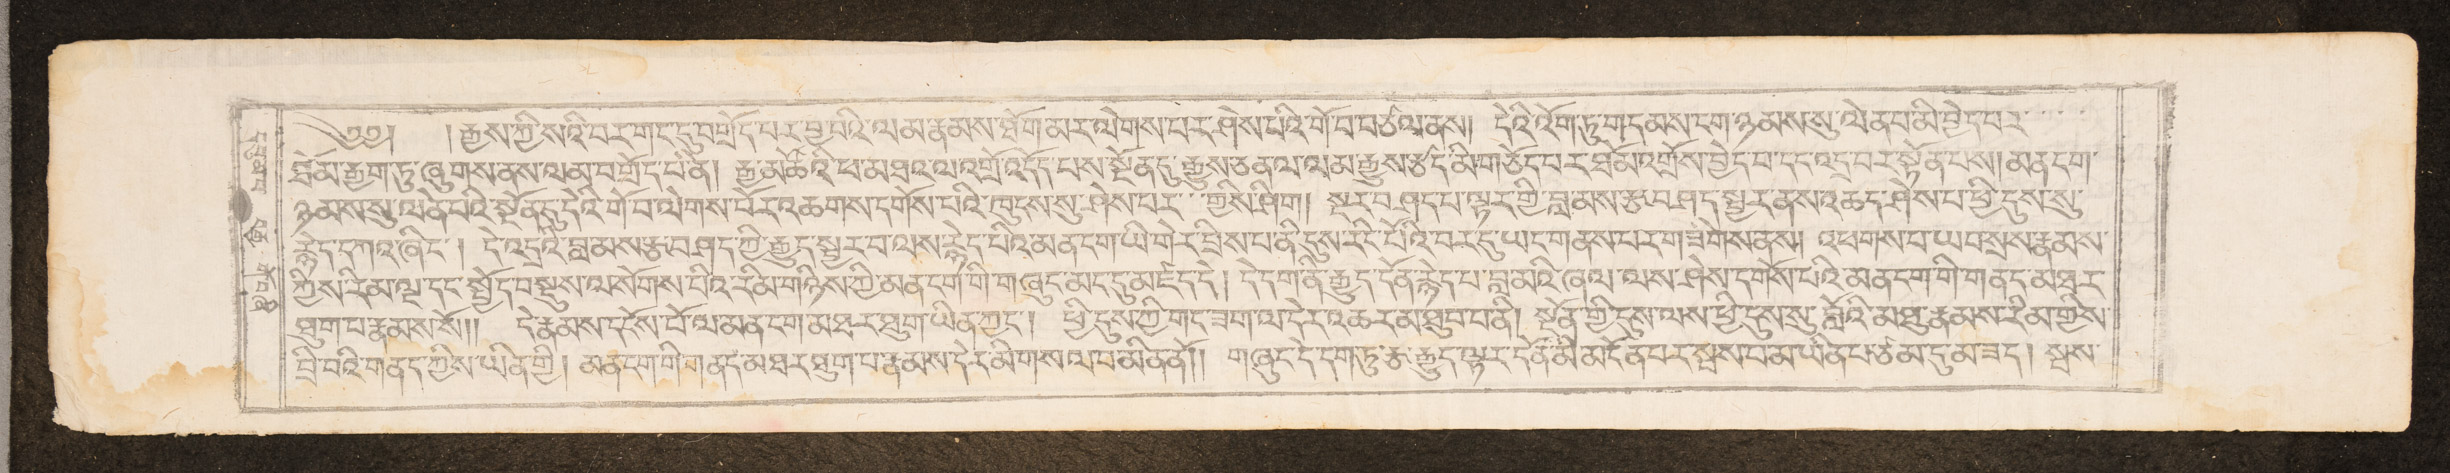༄༅། །རྒྱས་ཀྱི་སའི་བར་གང་དུ་བགྲོད་པར་བྱ་བའི་ལམ་རྣམས་ཐོག་མར་ལེགས་པར་ཤེས་པའི་གོ་བ་བཙལ་ནས། དེའི་འོག་ཏུ་གདམས་ངག་ཉམས་སུ་ལེན་པ་མི་བྱེད་པར་
ཐོམ་རྒྱག་ཏུ་ཞུགས་ནས་ལམ་བགྲོད་པ་ནི། རྒྱ་མཚོའི་ཕ་མཐའ་ལ་འགྲོ་འདོད་པས་སྔོན་དུ་རྒྱུས་ཅན་ལ་ལམ་རྒྱུས་རྩད་མི་གཅོད་པར་ཐོམ་འགྲོས་བྱེད་པ་དང་འདྲ་བར་སྟོན་པས། མན་ངག་
ཉམས་སུ་ལེན་པའི་སྔོན་དུ་དེའི་གོ་བ་ལེགས་པར་འཆགས་དགོས་པའི་ཁུངས་སུ་ཤེས་པར་གྱིས་ཤིག། སྔར་བཤད་པ་ལྟར་གྱི་བླ་མས་རྩ་བཤད་སྦྱར་ནས་འཆད་ཤེས་པ་ཕྱི་དུས་སུ་
རྙེད་དཀའ་ཞིང་། དེ་འདྲའི་བླ་མས་རྩ་བཤད་ཀྱི་རྒྱུད་སྦྱར་བ་ལས་རྙེད་པའི་མན་ངག་ཡི་གེར་བྲིས་པ་ནི་དུས་རིང་པོའི་བར་དུ་ཡང་གནས་པར་གཟིགས་ནས། འཕགས་པ་ཡབ་སྲས་རྣམས་
ཀྱིས་རིམ་ལྔ་དང་སྤྱོད་བསྡུས་ལ་སོགས་པའི་རིམ་གཉིས་ཀྱི་མན་ངག་གི་གཞུང་མང་དུ་མཛད་དེ། དེ་དག་ནི་རྒྱུད་དོན་རྙེད་པ་བླ་མའི་ཞལ་ལས་ཤེས་དགོས་པའི་མན་ངག་གི་གནང་མཐར་
ཐུག་པ་རྣམས་སོ།། དེ་རྣམས་དངོས་པོ་ལ་མན་ངག་མཐར་ཐུག་ཡིན་ཀྱང་། ཕྱི་དུས་ཀྱི་གང་ཟག་ལ་དེར་འཆར་མ་ཐུབ་པ་ནི། སྔོན་གྱི་དུས་ལས་ཕྱི་དུས་སུ་བློའི་མཐུ་རྣམས་རིམ་གྱིས་
བྲི་བའི་གནད་ཀྱིས་ཡིན་གྱི། མན་ངག་གི་གནད་མཐར་ཐུག་པ་རྣམས་དེར་མི་གསལ་བ་མིན་ནོ།། གཞུང་དེ་དག་ཏུ་རྩ་རྒྱུད་ལྟར་དོན་མི་མངོན་པར་སྤས་པ་མ་ཡིན་པ་ཙམ་དུ་མ་ཟད། སྦས་